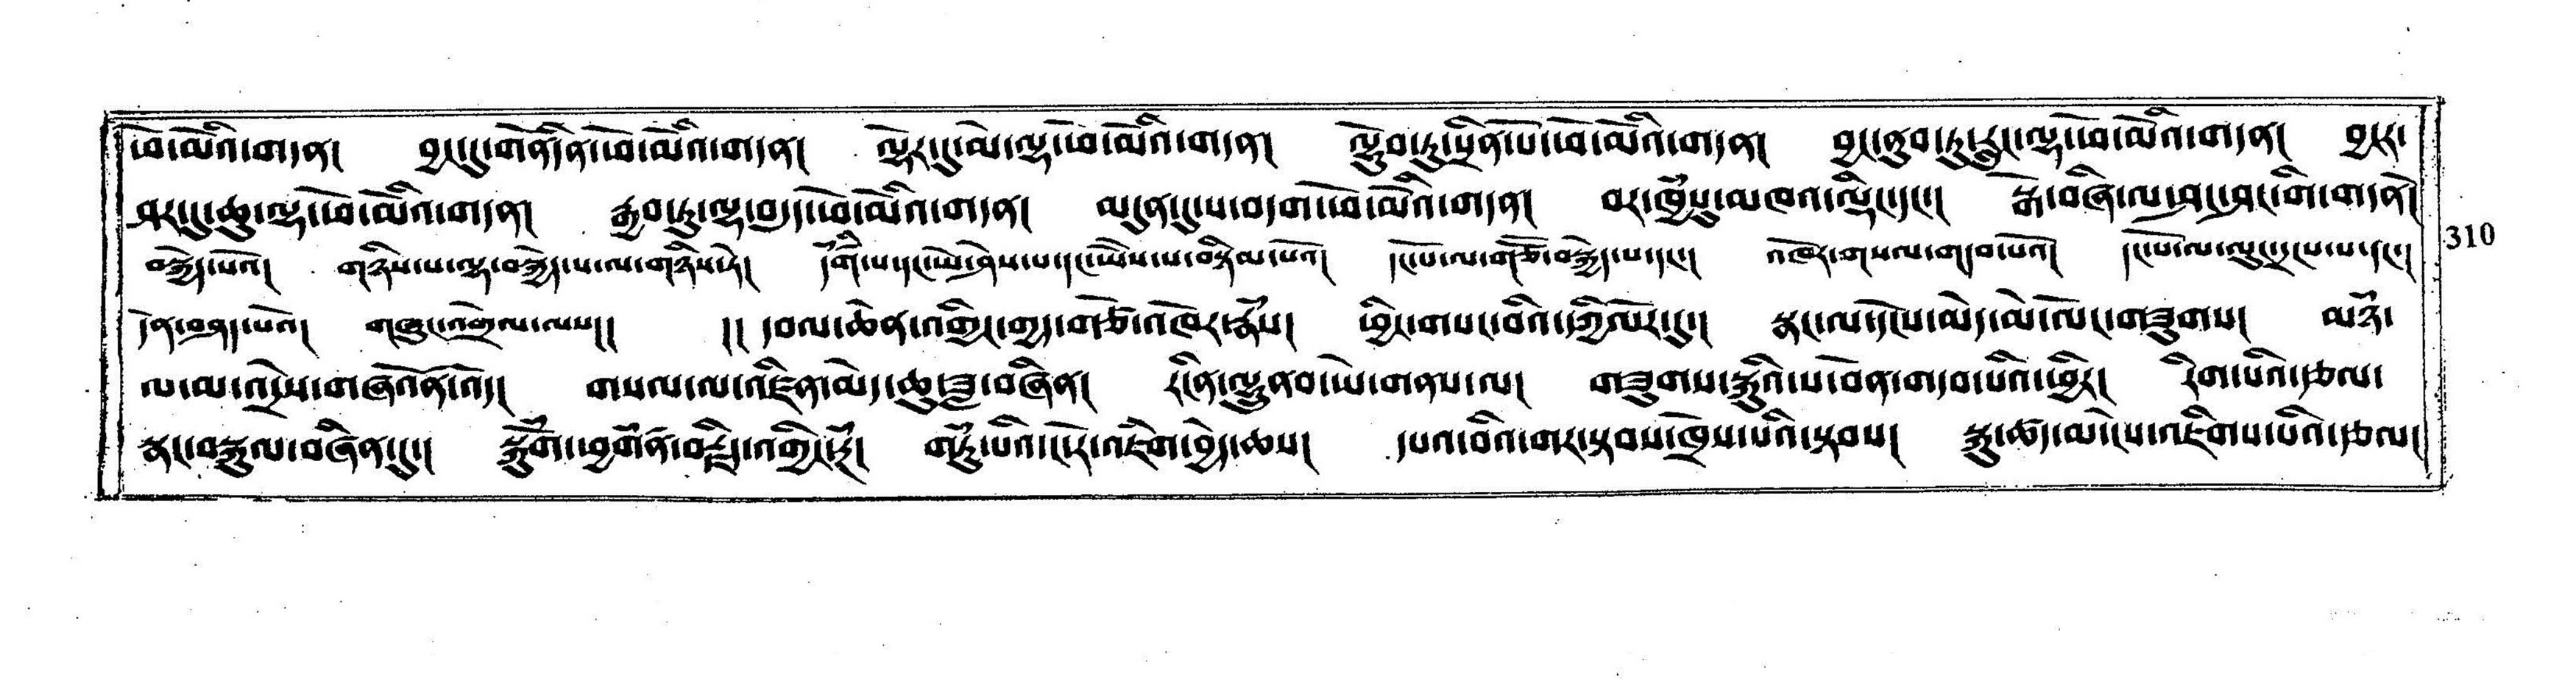ཕོ་མོའི་གདན། བྱང་དུ་གནོད་སྦྱིན་ཕོ་མོའི་གདན། ལྷོ་ཤར་དུ་མེ་ལྷ་ཕོ་མོའི་གདན། ལྷོ་ནུབ་ཏུ་སྲིན་པོ་ཕོ་མོའི་གདན། བྱང་ནུབ་ཏུ་རླུང་ལྷ་ཕོ་མོའི་གདན། བྱང་
ཤར་དུ་ཆུ་ལྷ་ཕོ་མོའི་གདན། རྒྱབ་ཏུ་ལྷ་བདུད་ཕོ་མོའི་གདན། མདུན་དུ་ས་བདག་ཕོ་མོའི་གདན། བར་ཁྱམས་སུ་མཁའ་ལྡིང་དང་། སྒོ་བཞི་ལ་ཤང་ཤང་གི་གདན་ནོ། 
བསྐྱེད་པའོ། །གཉིས་པ་ལྷ་བསྐྱེད་པ་ལ་གཉིས་ཏེ། དམ་ཚིག་པ་དང་ཡེ་ཤེས་པ་དང་ཡེ་ཤེས་པ་བསྟིམ་པའོ། དང་པོ་ལ་གཙོ་བོ་བསྐྱེད་པ་དང་། འཁོར་གསལ་གདབ་པའོ། དང་པོ་ལ་ལུང་དྲངས་པ་དང་། 
དོན་བཤད་པའོ། གཞུང་འགྲེལ་ལས།། །།དབལ་ཆེན་འགྱིང་གྱད་གཙོ་འཁོར་རྣམས། ཕྱི་ནང་གསང་བའི་དཀྱིལ་འཁོར་དུ། སྣང་ལ་དངོས་མེད་མེ་ལོང་གཟུགས། མཉམ་
ལ་མ་འདྲེས་གཞའ་ཚོན་འོད། གསལ་ལ་འཛིན་མེད་ཆུ་ཟླ་བཞིན། རང་བཞིན་ལྷུན་གྲུབ་ཡེ་གནས་ལ། གཟུགས་སྐུའི་ས་བོན་གདབ་པའི་ཕྱིར། རིག་པའི་རྩལ་
སྣང་བསྐུལ་བཞིན་དུ། སྐུ་མདོག་ཕྱག་མཚན་བརྗིད་འགྱིང་རྔམ། གཏུམ་པའི་ང་རོ་འཇིག་བྱེད་ཆས། དཔའ་བའི་གར་སྟབས་ཁྲོས་པའི་སྟབས། སྐུ་ཚད་མ་ངེས་འཇིགས་པའི་རྩལ།